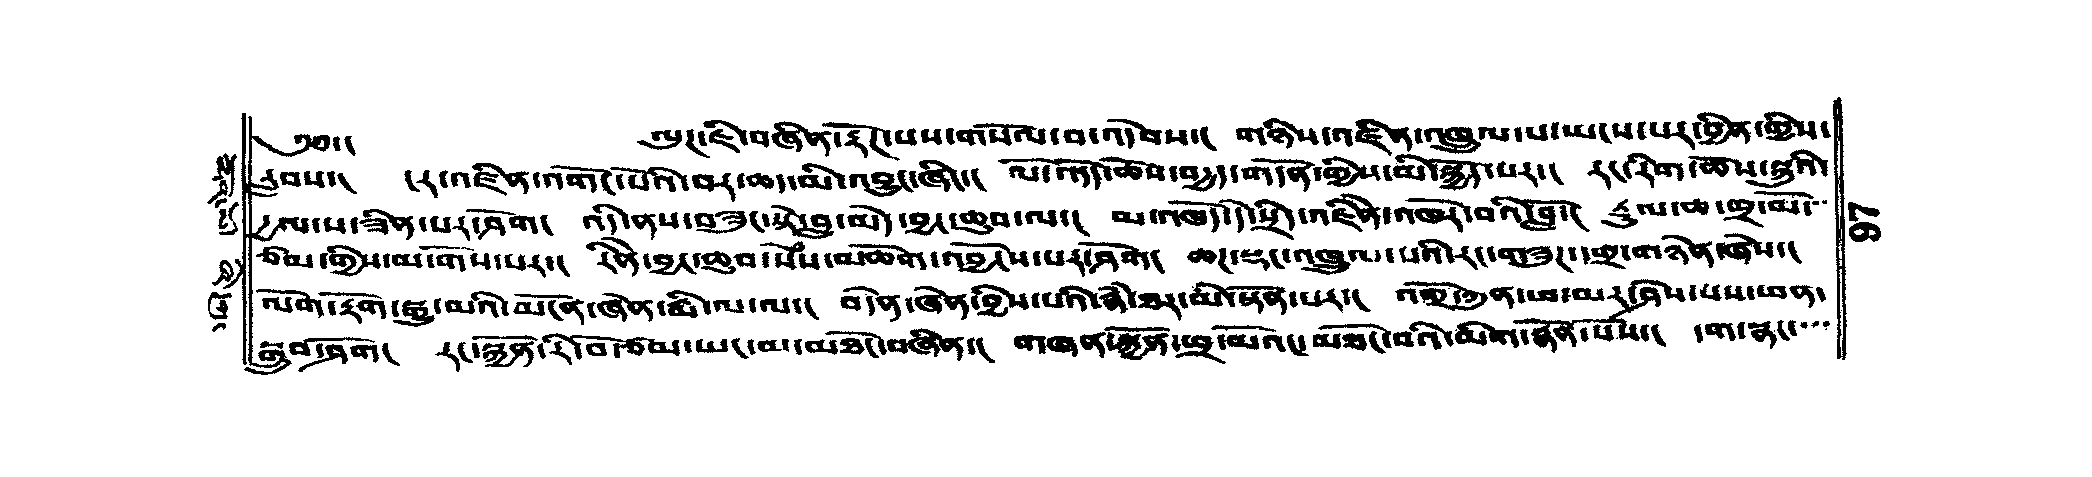ལུགས་ཇི་བཞིན་རྟོགས་པས་གསོལ་བ་འདེབས། །གཉིས་འཛིན་འཁྲུལ་པ་སངས་པར་བྱིན་གྱིས་
རློབས། །ངར་འཛིན་འགོང་པོའི་བར་ཆད་མི་འབྱུང་ཞིང་། །ལོ་འདོད་ཆོས་བརྒྱད་གདོན་གྱིས་མི་སྐྱོད་པར། །རང་རིག་ཆོས་སྐུའི་
རྒྱལ་ས་ཟིན་པར་ཤོག །འདི་ནས་བཟུང་སྟེ་བླ་མེད་བྱང་ཆུབ་ལ། །མ་འཁོད་དེ་སྲིད་འཇིག་རྟེན་འཁོར་བའི་བློ། །རྡུལ་ཆ་ཕྲ་མོ་
ཙམ་གྱིས་མ་གོས་པར། །རིན་ཆེན་བྱང་ཆུབ་སེམས་མཆོག་འབྱོངས་པར་ཤོག །ཆགས་སྡང་འཁྲུལ་པའི་རང་གཟུགས་དགྲ་གཉེན་ཞེས། །
ལོག་རྟོག་སྒྱུ་མའི་མངོན་ཞེན་རྨི་ལམ་ལ། །བདེན་ཞེན་བྱིས་པའི་རྣམ་ཐར་མི་སྟོན་པར། །འགྲོ་ཀུན་ཕ་མར་ཤེས་པས་ཕན་
སྒྲུབ་ཤོག །རང་སྐྱོན་རི་བོ་ཙམ་ཡང་མ་མཐོང་བཞིན། །གཞན་སྐྱོན་ཕྲ་མོའང་མཐོང་བའི་མིག་རྣོན་པོས། །དག་སྣང་